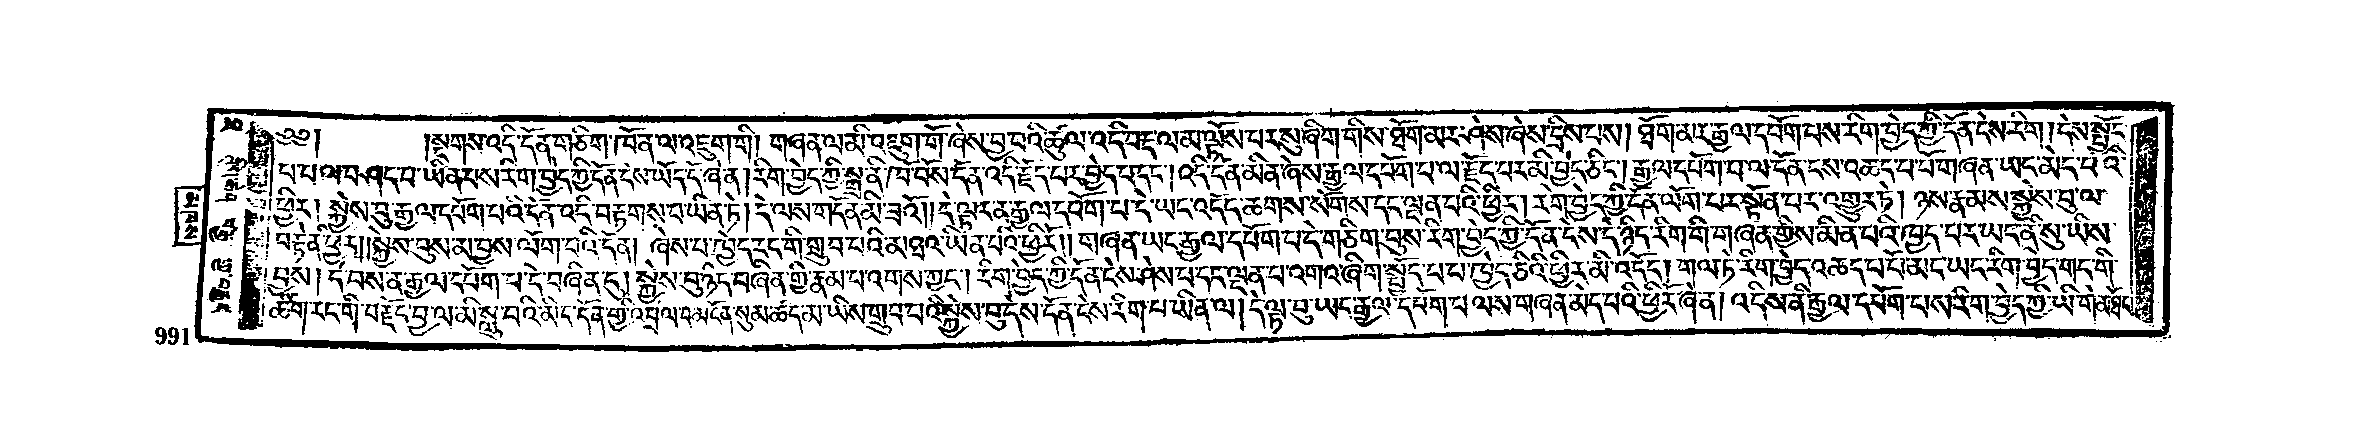༄༅། །སྔགས་འདི་དོན་གཅིག་ཁོ་ན་ལ་འཇུག་གི །གཞན་ལ་མི་འཇུག་གོ་ཞེས་བྱ་བའི་ཚུལ་འདི་བརྡ་ལ་མ་ལྟོས་པར་སུ་ཞིག་གིས་ཐོག་མར་ཤེས་ཞེས་དྲིས་པས། ཐོག་མར་རྒྱལ་དཔོག་པས་རིག་བྱེད་ཀྱི་དོན་ངེས་རིག །དེས་སྤྱོད་
པ་པ་ལ་བཤད་པ་ཡིན་པས་རིག་བྱེད་ཀྱི་དོན་ངེས་ཡོད་དོ་ཞེ་ན། རིག་བྱེད་ཀྱི་སྒྲ་ནི་ཁོ་བོས་དོན་འདི་རྗོད་པར་བྱེད་པ་དང་། འདི་དོན་མེད་ཞེས་རྒྱལ་དཔོག་པ་ལ་རྗོད་པར་མི་བྱེད་ཅིང་། རྒྱལ་དཔོག་པ་ལ་དོན་ངེས་འཆད་པ་པོ་གཞན་ཡང་མེད་པའི་
ཕྱིར། སྐྱེས་བུ་རྒྱལ་དཔོག་པའི་དོན་འགི་བརྟགས་པ་ཡིན་ཏེ། དེ་ལས་གདོན་མི་ཟའོ། །དེ་ལྟར་ན་རྒྱལ་དཔོག་པ་དེ་ཡང་འདོད་ཆགས་སོགས་དང་ལྡན་པའི་ཕྱིར། རིག་བྱེད་ཀྱི་དོན་ལོག་པར་སྟོན་པར་འགྱུར་ཏེ། ཉས་རྣམས་སྐྱེས་བུ་ལ་
བརྟེན་ཕྱིར། །སྐྱེས་བུས་མ་བྱས་ལོག་པའི་དོན། ཞེས་པ་ཁྱེད་རང་གི་གྲུབ་པའི་མཐའ་ཡིན་པའི་ཕྱིར་རོ། །གཞན་ཡང་རྒྱལ་དཔོག་པ་དེ་གཅིག་བུས་རིག་བྱེད་ཀྱི་དོན་དེས་དེ་ཉིད་རིག་གི་གཞན་གྱིས་མིན་པའི་ཁྱད་པར་ཡང་ནི་སུ་ཡིས་
བྱས། དེ་བས་ན་རྒྱལ་དཔོག་པ་དེ་བཞིན་དུ། སྐྱེས་བུ་ཉིད་བཞིན་གྱི་རྣམ་པ་འགས་ཀྱང་། རིག་བྱེད་ཀྱི་དོན་ངེས་ཤེས་པ་དང་ལྡན་པ་འགའ་ཞིག་སྤྱོད་པ་པ་ཁྱེད་ཅིའི་ཕྱིར་མི་འདོད། གལ་ཏེ་རིག་བྱེད་འཆད་པ་པོ་མང་ཡང་རིག་བྱེད་གང་གི་
ཚིག་རང་གི་བརྗོད་བྱ་ལ་མི་སླུ་བའི་མིང་དོན་གྱི་འབྲེལ་བ་མངོན་སུམ་ཚད་མ་ཡིས་གྲུབ་པའི་སྐྱེས་བུ་དེས་དོན་ངེས་རིག་པ་ཡིན་ལ། དེ་ལྟ་བུ་ཡང་རྒྱལ་དཔོག་པ་ལས་གཞན་མེད་པའི་ཕྱིར་རོ་ཞེ་ན། འདིས་ནི་རྒྱལ་དཔོག་པས་རིག་བྱེད་ཀྱི་ཡི་གེ་མཐོང་